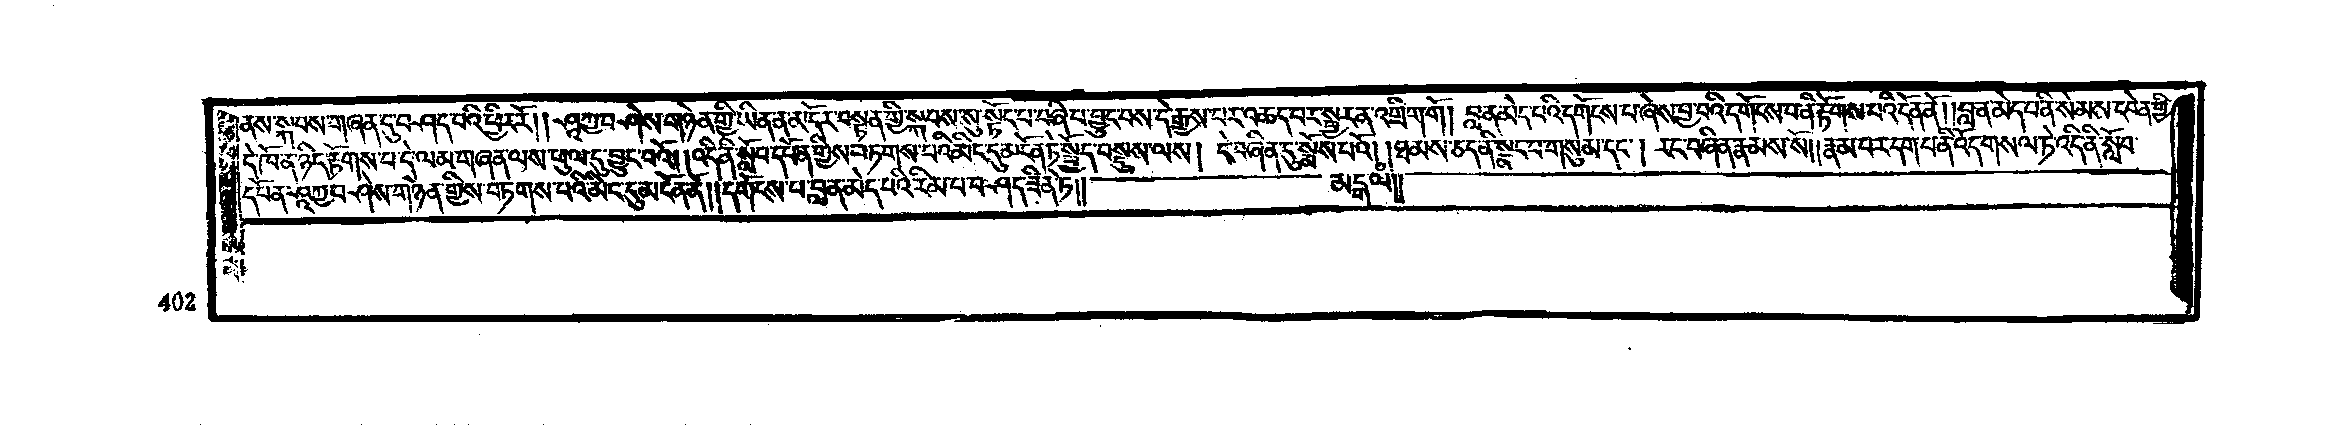ནས་སྐབས་གཞན་དུ་བཤད་པའི་ཕྱིར་རོ། །ཤཱཀྱ་བཤེས་གཉེན་གྱི་ཡིན་ན་མདོར་བསྟན་གྱི་སྐབས་སུ་སྟོང་པ་བཞི་པ་བྱུང་བས་དེ་རྒྱས་པར་འཆད་པར་སྦྱར་ན་འགྲིག་གོ །བླ་ན་མེད་པའི་དགོངས་པ་ཞེས་བྱ་བའི་དགོངས་པ་ནི་རྟོགས་པའི་དོན་ནོ། །བླ་ན་མེད་པ་ནི་སེམས་དབེན་གྱི་
དེ་ཁོ་ན་ཉིད་རྟོགས་པ་དེ་ལམ་གཞན་ལས་ཕུལ་དུ་བྱུང་བའོ། །འདི་ནི་སློབ་དཔོན་གྱིས་བཏགས་པའི་མིང་དུ་མངོན་ཏེ་སྤྱོད་བསྡུས་ལས། དེ་བཞིན་དུ་སྨོས་པའོ། །ཐམས་ཅད་ནི་སྣང་བ་གསུམ་དང་། གྲང་བཞིན་རྣམས་སོ། །རྣམ་པར་དག་པ་ནི་འོད་གསལ་ཏེ་འདི་ནི་སློབ་
དཔོན་ཤཱཀྱ་བཤེས་གཉེན་གྱིས་བཏགས་པའི་མིང་དུ་མངོན་ནོ། །དགོངས་པ་བླ་ན་མེད་པའི་རིམ་པ་བཤད་ཟིན་ཏོ། །མངྒ་ལཾ། །